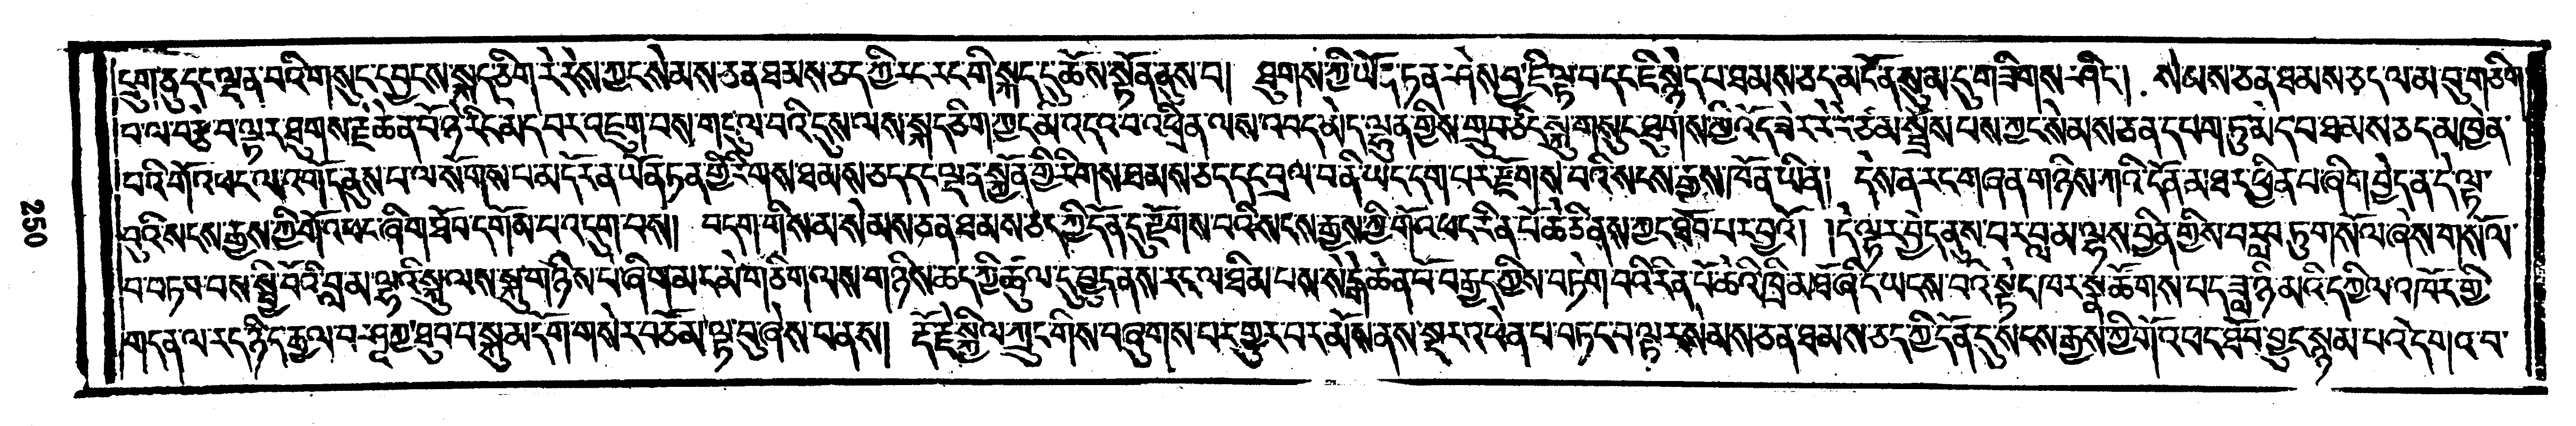དྲུག་ཅུ་དང་ལྡན་པའི་གསུང་དབྱངས་སྐད་ཅིག་རེ་རེས་ཀྱང་སེམས་ཅན་ཐམས་ཅད་ཀྱི་རང་རང་གི་སྐད་དུ་ཆོས་སྟོན་ནུས་པ། ཐུགས་ཀྱི་ཡོན་ཏན་ཤེས་བྱ་ཇི་ལྟ་བ་དང་ཇི་སྙེད་པ་ཐམས་ཅད་མངོན་སུམ་དུ་གཟིགས་ཤིང་། སེམས་ཅན་ཐམས་ཅད་ལ་མ་བུ་གཅིག་
པ་ལ་བརྩེ་བ་ལྟར་ཐུགས་རྗེ་ཆེན་པོ་ཉེ་རིང་མེད་བར་འཇུག་པས་གདུལ་བའི་དུས་ལས་སྐད་ཅིག་ཀྱང་མི་འདའ་བ་འཕྲིན་ལས་འབད་མེད་ལྷུན་གྱིས་གྲུབ་ཅིང་སྐུ་གསུང་ཐུགས་ཀྱི་འོད་ཟེར་རེ་རེ་ཙམ་སྤྲོས་པས་ཀྱང་སེམས་ཅན་དཔག་ཏུ་མེད་པ་ཐམས་ཅད་མཁྱེན་
པའི་གོ་འཕང་ལ་འགོད་ནུས་པ་ལ་སོགས་པ་མདོར་ན་ཡོན་ཏན་གྱི་རིགས་ཐམས་ཅད་དང་ལྡན་སྐྱོན་གྱི་རིགས་ཐམས་ཅད་དང་བྲལ་བ་ནི་ཡང་དག་པར་རྫོགས་པའི་སངས་རྒྱས་ཁོ་ན་ཡིན། དེས་ན་རང་གཞན་གཉིས་ཀའི་དོན་མཐར་ཕྱིན་པ་ཞིག་བྱེད་ན་དེ་ལྟ་
བུའི་སངས་རྒྱས་ཀྱི་གོ་འཕང་ཞིག་ཐོབ་དགོམ་པ་འདུག་པས། བདག་གིས་མ་སེམས་ཅན་ཐམས་ཅད་ཀྱི་དོན་དུ་རྫོགས་པའི་སངས་རྒྱས་ཀྱི་གོ་འཕང་རིན་པོ་ཆེ་ཅི་ནས་ཀྱང་ཐོབ་པར་བྱའོ། །དེ་ལྟར་བྱེད་ནུས་པར་བླ་མ་ལྷས་བྱིན་གྱིས་བརླབ་ཏུ་གསོལ་ཞེས་གསོལ་
བ་བཏབ་པས་སྤྱི་བོའི་བླ་མ་ལྷའི་སྐུ་ལས་སྐུ་གཉིས་པ་ཞིག་མང་མེ་གཅིག་ལས་གཉིས་ཆད་ཀྱི་ཚུལ་དུ་བྱུང་ནས་རང་ལ་ཐིམ་པས་སེངྒེ་ཆེན་པོ་བརྒྱད་ཀྱིས་བཏེག་པའི་རིན་པོ་ཆེའི་ཁྲི་མཐོ་ཞིང་ཡངས་བའི་སྟེང་ཁར་སྣ་ཚོགས་པད་ཟླ་ཉི་མའི་དཀྱིལ་འཁོར་གྱི་
གདན་ལ་རང་ཉིད་རྒྱལ་བ་ཤཱཀྱ་ཐུབ་པ་སྐུ་མདོག་གསེར་བཅོམ་ལྟ་བུ་ཞེས་པ་ནས། རྡོ་རྗེ་སྐྱིལ་ཀྲུང་གིས་བཞུགས་པར་གྱུར་བར་མོས་ནས་སྔར་འཕེན་པ་བཏང་བ་ལྟར་སེམས་ཅན་ཐམས་ཅད་ཀྱི་དོན་དུ་སངས་རྒྱས་ཀྱི་གོ་འཕང་ཐོབ་བྱུང་སྙམ་པའི་དགའ་བ་